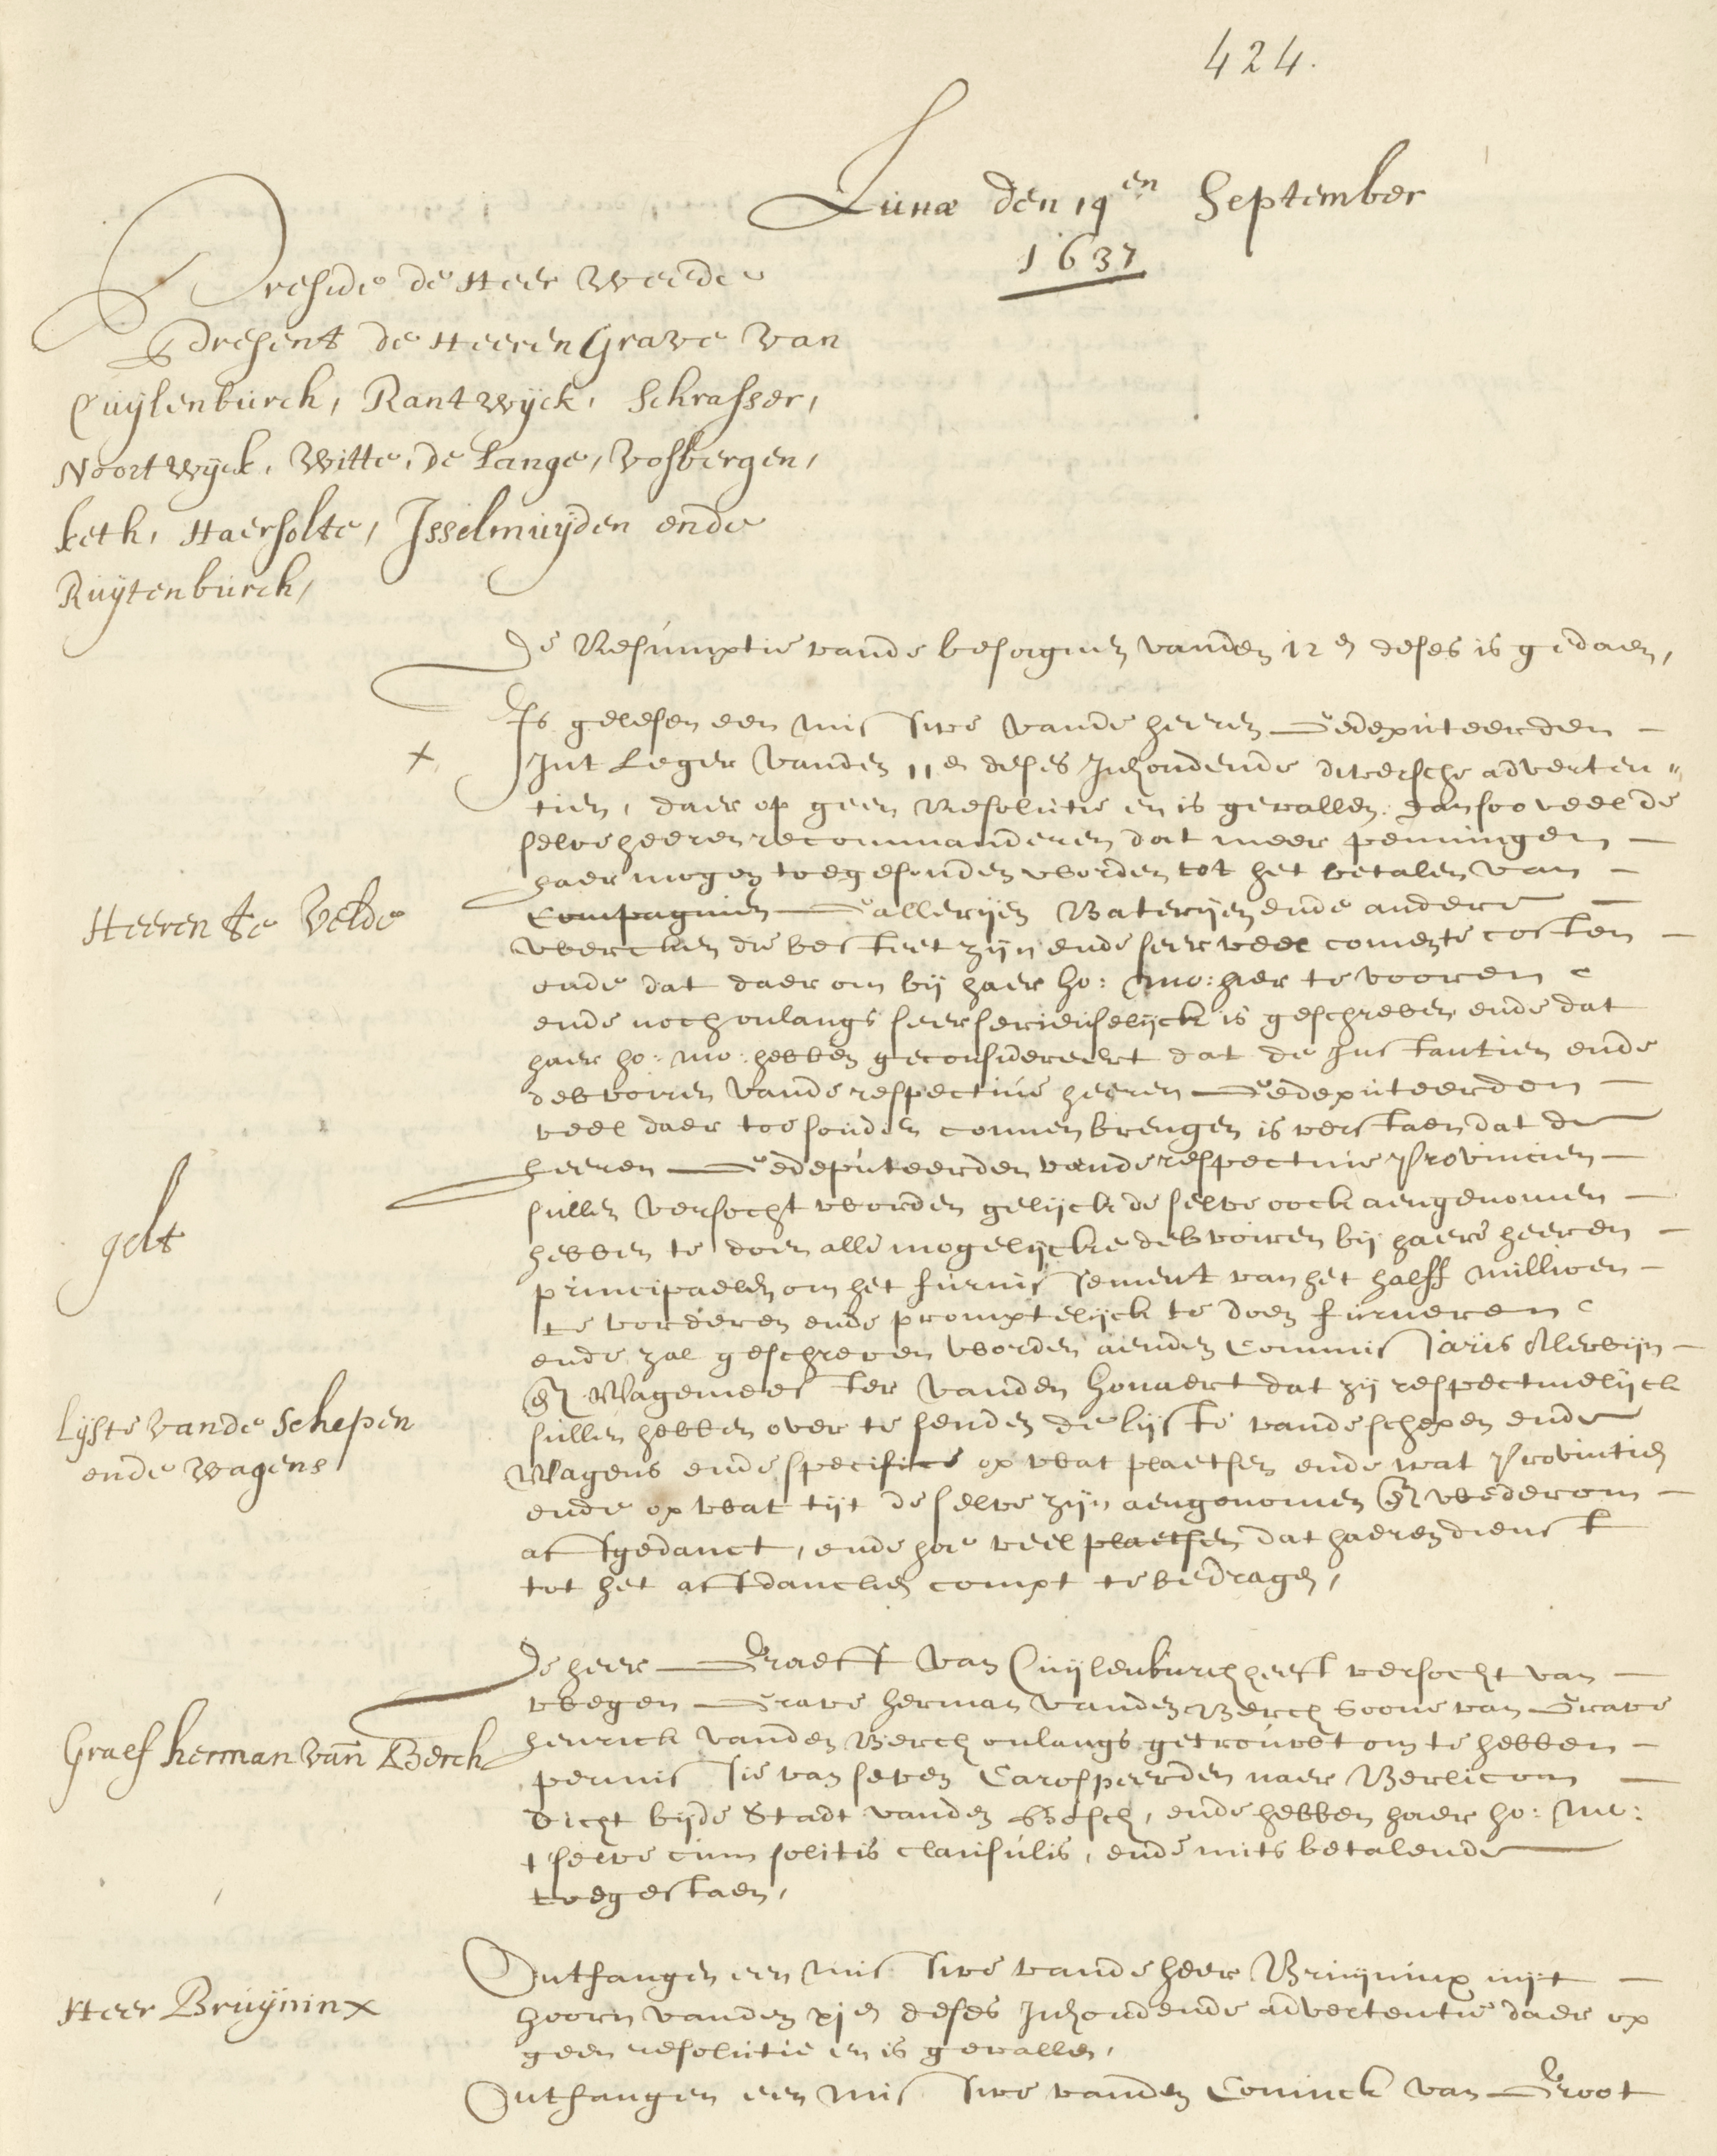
424.
Lunae den 14en September
1637
Preside de Heer Weede
Present de Heeren Grave van
Cuijlenburch, Rantwijck, Schrasser,
Noortwijck, Witte, de Lange, Vosbergen,
Keth, Haerholte, Isselmuijden ende
Ruijtenburch.
Heeren te velde
gelt
Lijste vande schepen
ende wagens
De resumptie vande besoignen vanden 12e deses is gedaen.
Is gelesen een missive vande heeren Gedeputeerden -
int Leger vanden 11e deses Inhoudende diversche adverten„
tien, daer op geen resolutie en is gevallen: dan soo veel de
selve heeren recommanderen dat meer penningen
haer mogen toegesonden worden tot het betalen van
Compagnien Gallerijen, Baterijen ende andere
wercken die besteet zijn ende seer veel comen te costen
ende dat daer om bij haer ho:mo: te vooren
ende noch onlangs seer serieuselijck is geschreven ende dat
haer ho:mo: hebben geconsidereert dat de instantien ende
debvoiren vande respectiue heeren Gedeputeerden
veel daer toe souden connen brengen is verstaen dat de
heeren Gedeputeerden vande respectiue provincien
sullen versocht worden gelijck de selve oock aengenomen
hebben te doen alle mogelijcke debvoiren bij haere heeren
principaelen om het furnissement van het halff millioen
te vorderen ende promptelijck te doen furneren
ende zal geschreven worden aenden Commissaris Alewijn
& Wagemeester vanden Honaert dat zij respectiuelijck
sullen hebben over te senden de lijste vande schepen ende
wagens ende specifice op wat plaetsen ende wat provintien
ende op wat tijt de selve zijn aengenomen & wederom
affgedanct, ende hoe veel plaetsen dat haeren dienst
tot het affdancken compt te bedragen.
Graef Herman van Berch
De heere Graeff van Cuijlenburch heeft versocht van
wegen Grave Herman vanden Berch soone van Grave
Henrick vanden Berch onlangs getrouwt om te hebben
permissie van seven Carospeerden naer Berlicom
dicht bijde Stadt vanden Bosch, ende hebben haer ho:mo:
t'selve cum solitis clausulis, ende mits betalende
toegestaen.
Heer Bruijninx
Ontfangen een missive vande heer Bruijninx uijt
hoorn vanden xie deses Inhoudende advertentie daer op
geen resolutie en is gevallen.
Ontfangen een missive vanden Coninck van Groot
